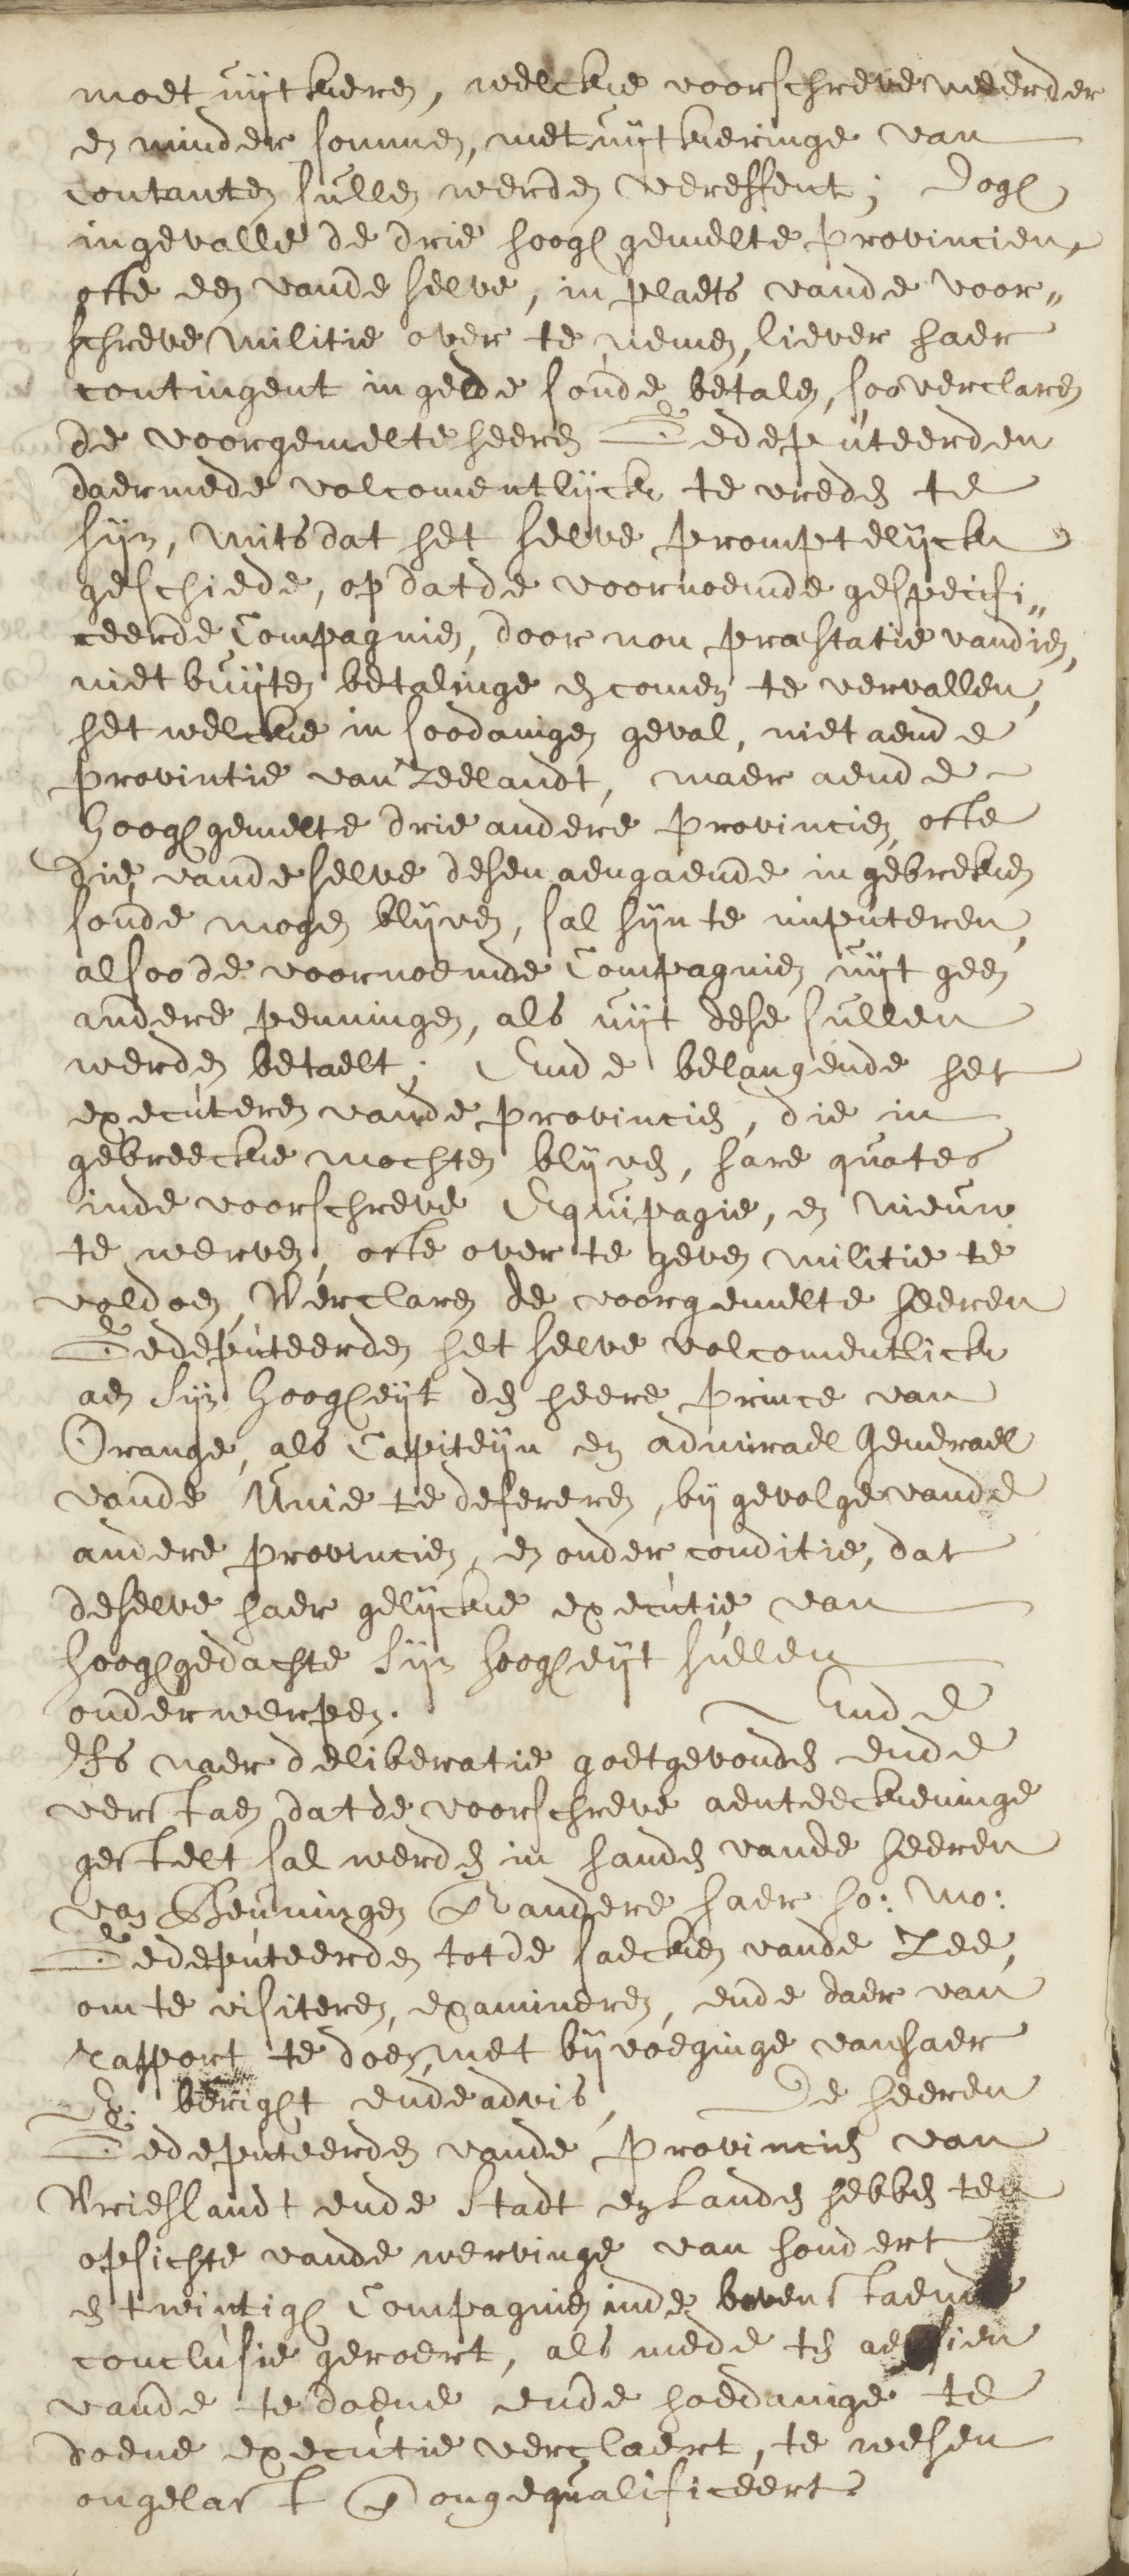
moet uijtkeren, welcke voorschreve meerder
en minder sommen, met uijtkeringe van
contanten sullen werden vereffent; Dogh
ingevalle de drie hoogh gemelte provincien,
ofte een vande selve, in plaets vande voor„
schreve militie over te nemen, liever haer
contingent in gelde soude betalen, soo verclaren
de voorgemelte heeren Gedeputeerden
daer mede volcomentlijck te vreden te
sijn, mitsdat het selve promptelijck
geschiede, op dat de voornoemde gespecifi„
ceerde Compagnien, door non præstatie vandien,
niet buijten betalinge en comen te vervallen,
het welcke in soodanigen geval, niet aende
provintie van Zeelandt, maer aende
hooghgemelte drie andere Provincien, ofte
die vande selve desen aengaende in gebreken
soude mogen blijven, sal sijn te imputeren,
alsoo de voornoemde Compagnien uijt geen
andere penningen, als uijt dese sullen
werden betaelt; Ende belangende het
executeren vande provincien, die in
gebreecke mochten blijven, hare quotes
inde voorschreve Equipagie, en nieuw
te werven ofte over te geven militie te
voldoen, Verclaren de voorgemelte heeren
Gedeputeerden het selve volcomentlick
aen Sijn Hoogheijt den heere Prince van
Orange, als Capiteijn en admirael Generael
vande Unie te defereren, bij gevolge vande
andere provincien, en onder conditie, dat
deselve haer gelijcke executie van
hooghgedachte Sijn hoogheijt sullen
onderwerpen. Ende
Is naer deliberatie goetgevonden ende
verstaen dat de voorschreve aenteeckeninge
gestelt sal werden in handen vande heeren
van Beuningen & andere haer Ho:Mo:
Gedeputeerden tot de saecken vande Zee,
om te visiteren, examineren, ende daer van
rapport te doen, met bijvoeginge van haer
E. beright ende advis. De heeren
Gedeputeerden vande Provincien van
Vrieslandt ende Stadt en Landen hebben ten
opsichte vande wervinge van hondert
&twintigh Compagnien inde bovenstaende
conclusie geroert, als mede ten aensien
vande te doene ende hoedanige te
doene executie verclaert, te wesen
ongelast & ongequalificeert.
